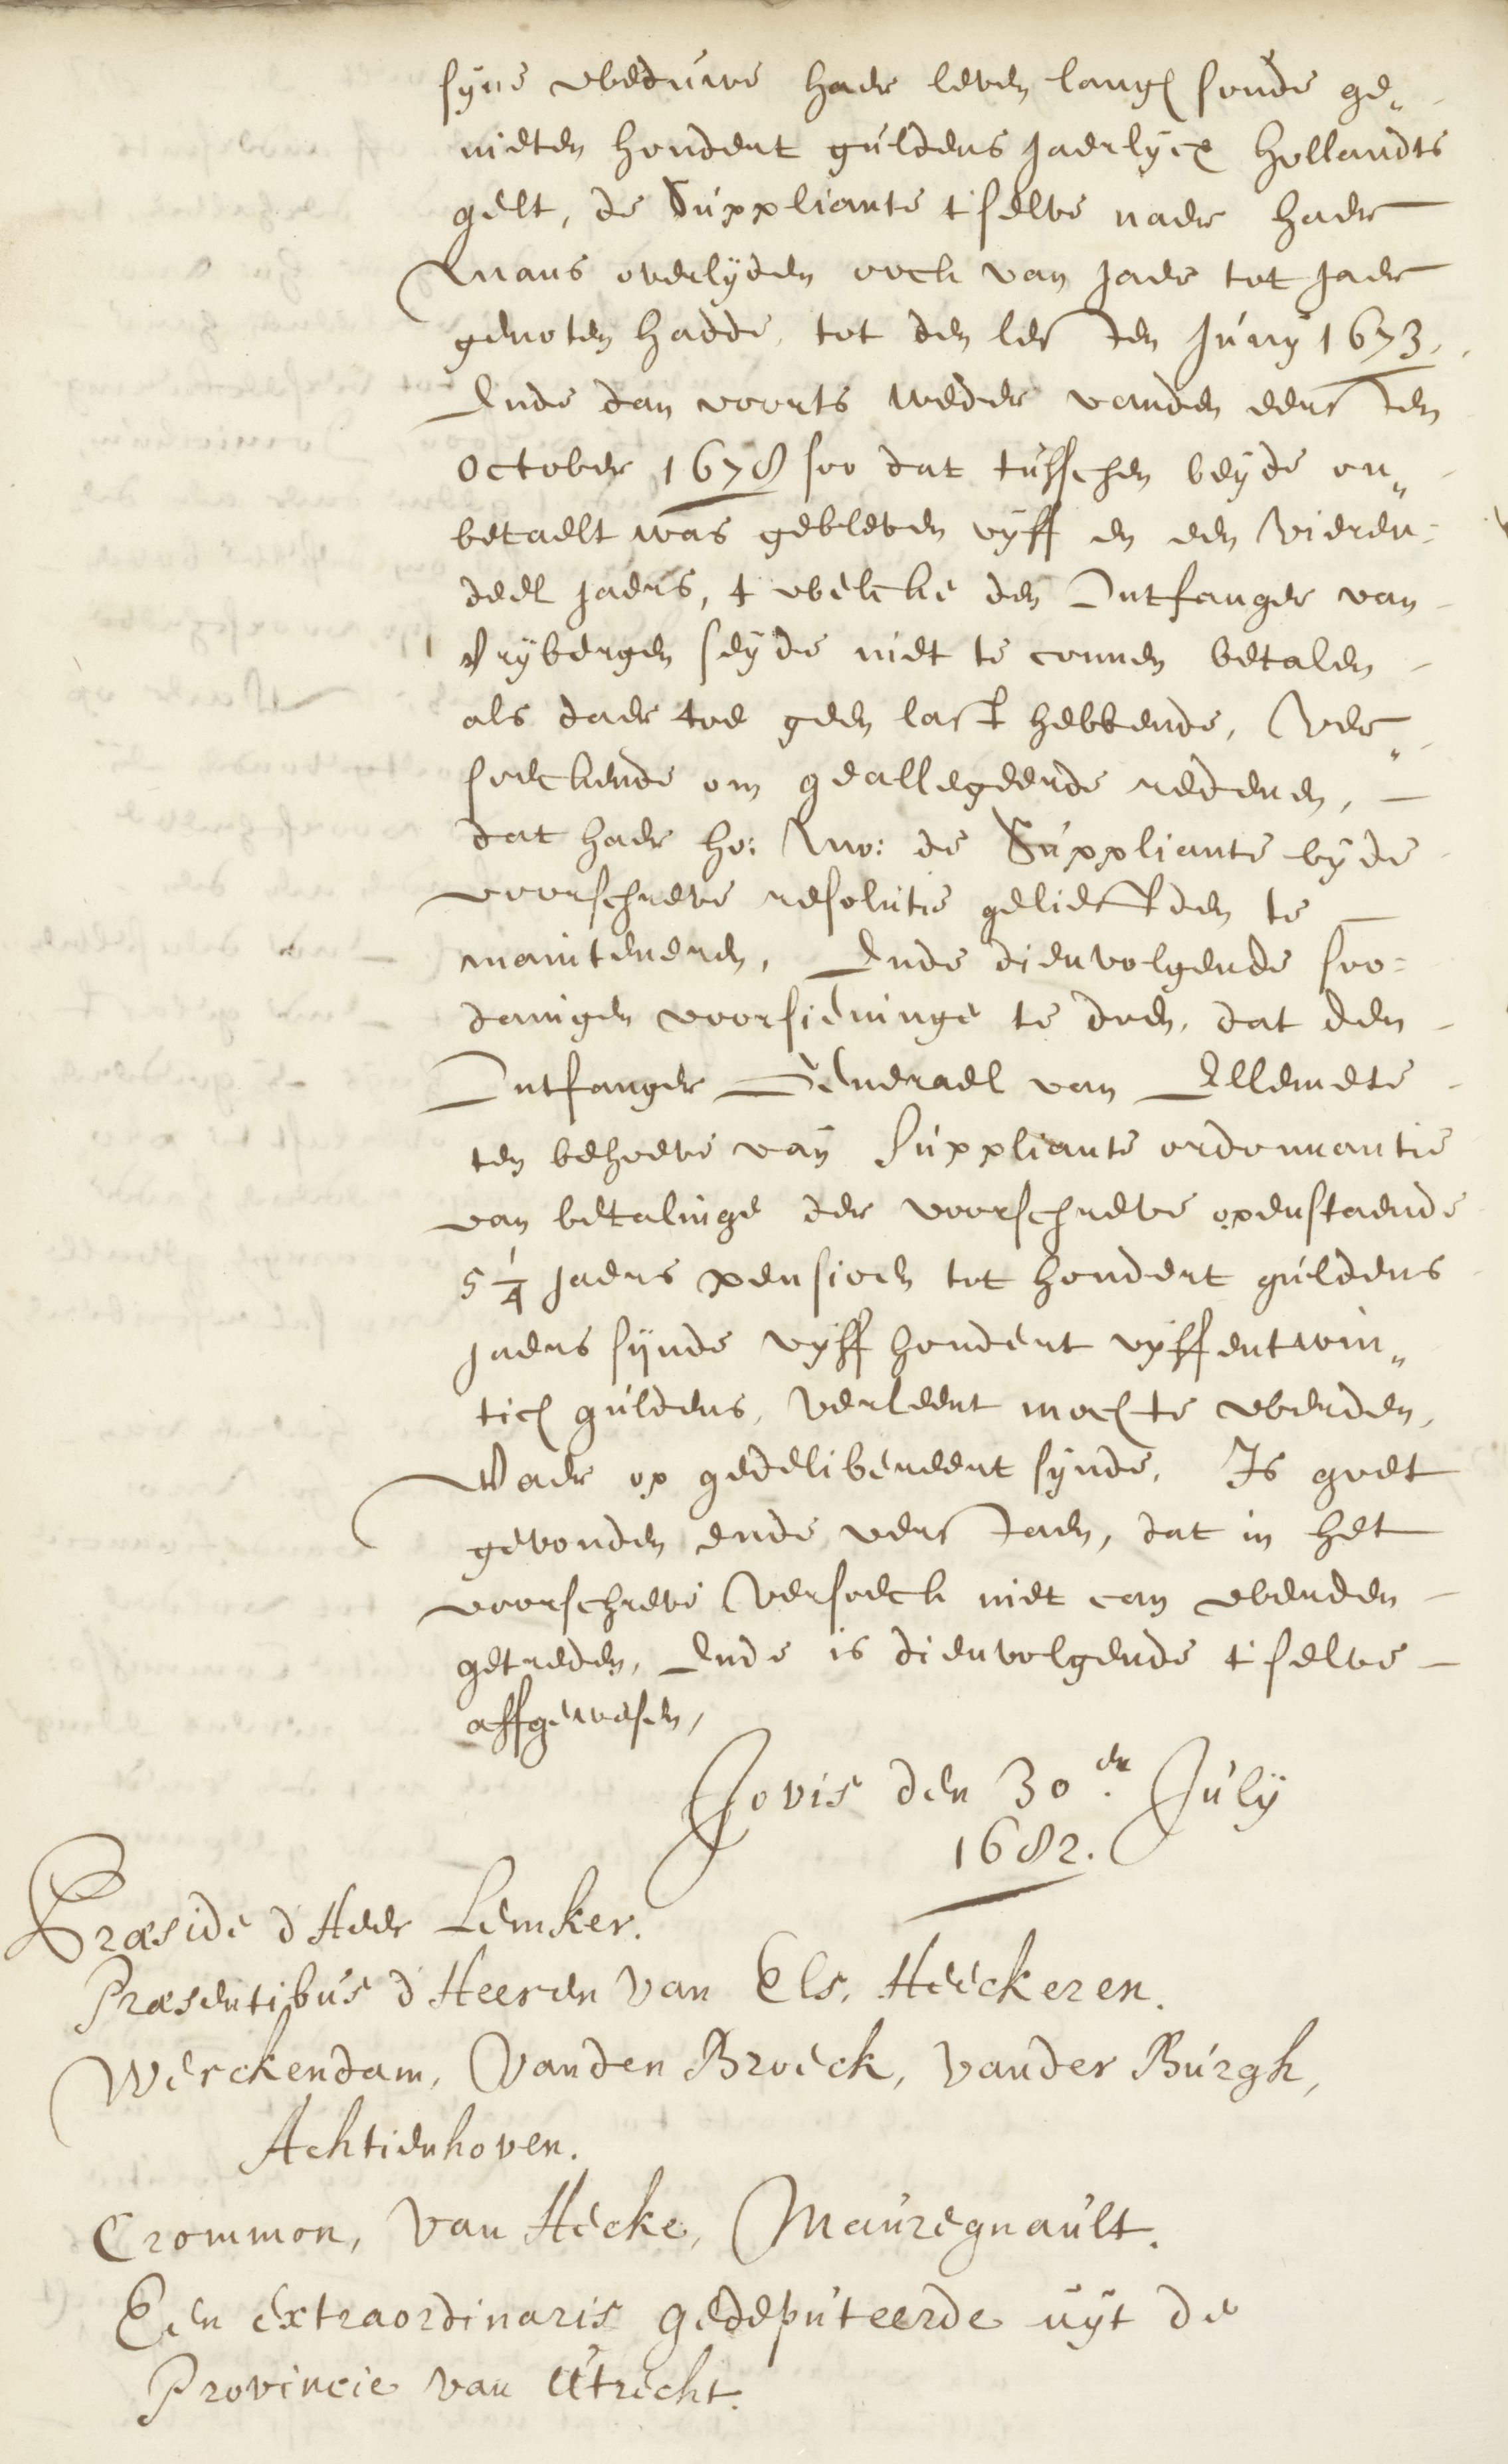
sijne weduwe haer leven langh soude ge,,
nieten hondert guldens jaerlijcx hollandts
gelt, de Suppliante t'selve naer haer
mans overlijden oock van jaer tot jaer
genoten hadde, tot den lesten Junij 1673.
Ende dan voorts weder vanden eersten
october 1678 soo dat tusschen beijde on,,
betaelt was gebleven vijff en een vieren,,
deel jaers, t'welcke den Ontfanger van
Vrijbergen seijde niet te connen betalen
als daer toe geen last hebbende. Ver,,
soeckende om geallegeerde redenen,
dat haer ho:mo: de Suppliante bij de
voorschreve resolutie gelieffden te
mainteneren, ende dienvolgende soo=
danigen voorsieninge te doen, dat den
Ontfanger Generael van Ellemete
ten behoeve van Suppliante ordonnantie
van betalinge der voorschreve openstaende
5¼ jaers pensioen tot hondert guldens
jaers sijnde vijff hondert vijffentwin,,
tich guldens verleent mochte werden.
Waer op gedelibereert sijnde, Is goet
gevonden ende verstaen, dat in het
voorschreve versoeck niet can werden
getreden, ende is dienvolgende t'selve
affgewesen.
Jovis den 30en. Julij
1682.
Præside d' Heer Lemker.
Præsentibus d'Heeren van Els, Heeckeren,
Werckendam, Van den Broeck, van der Burgh,
Achtienhoven.
Crommon, Van Hecke, Mauregnault.
Een Extraordinaris gedeputeerde uijt de
Provincie van Utrecht.
